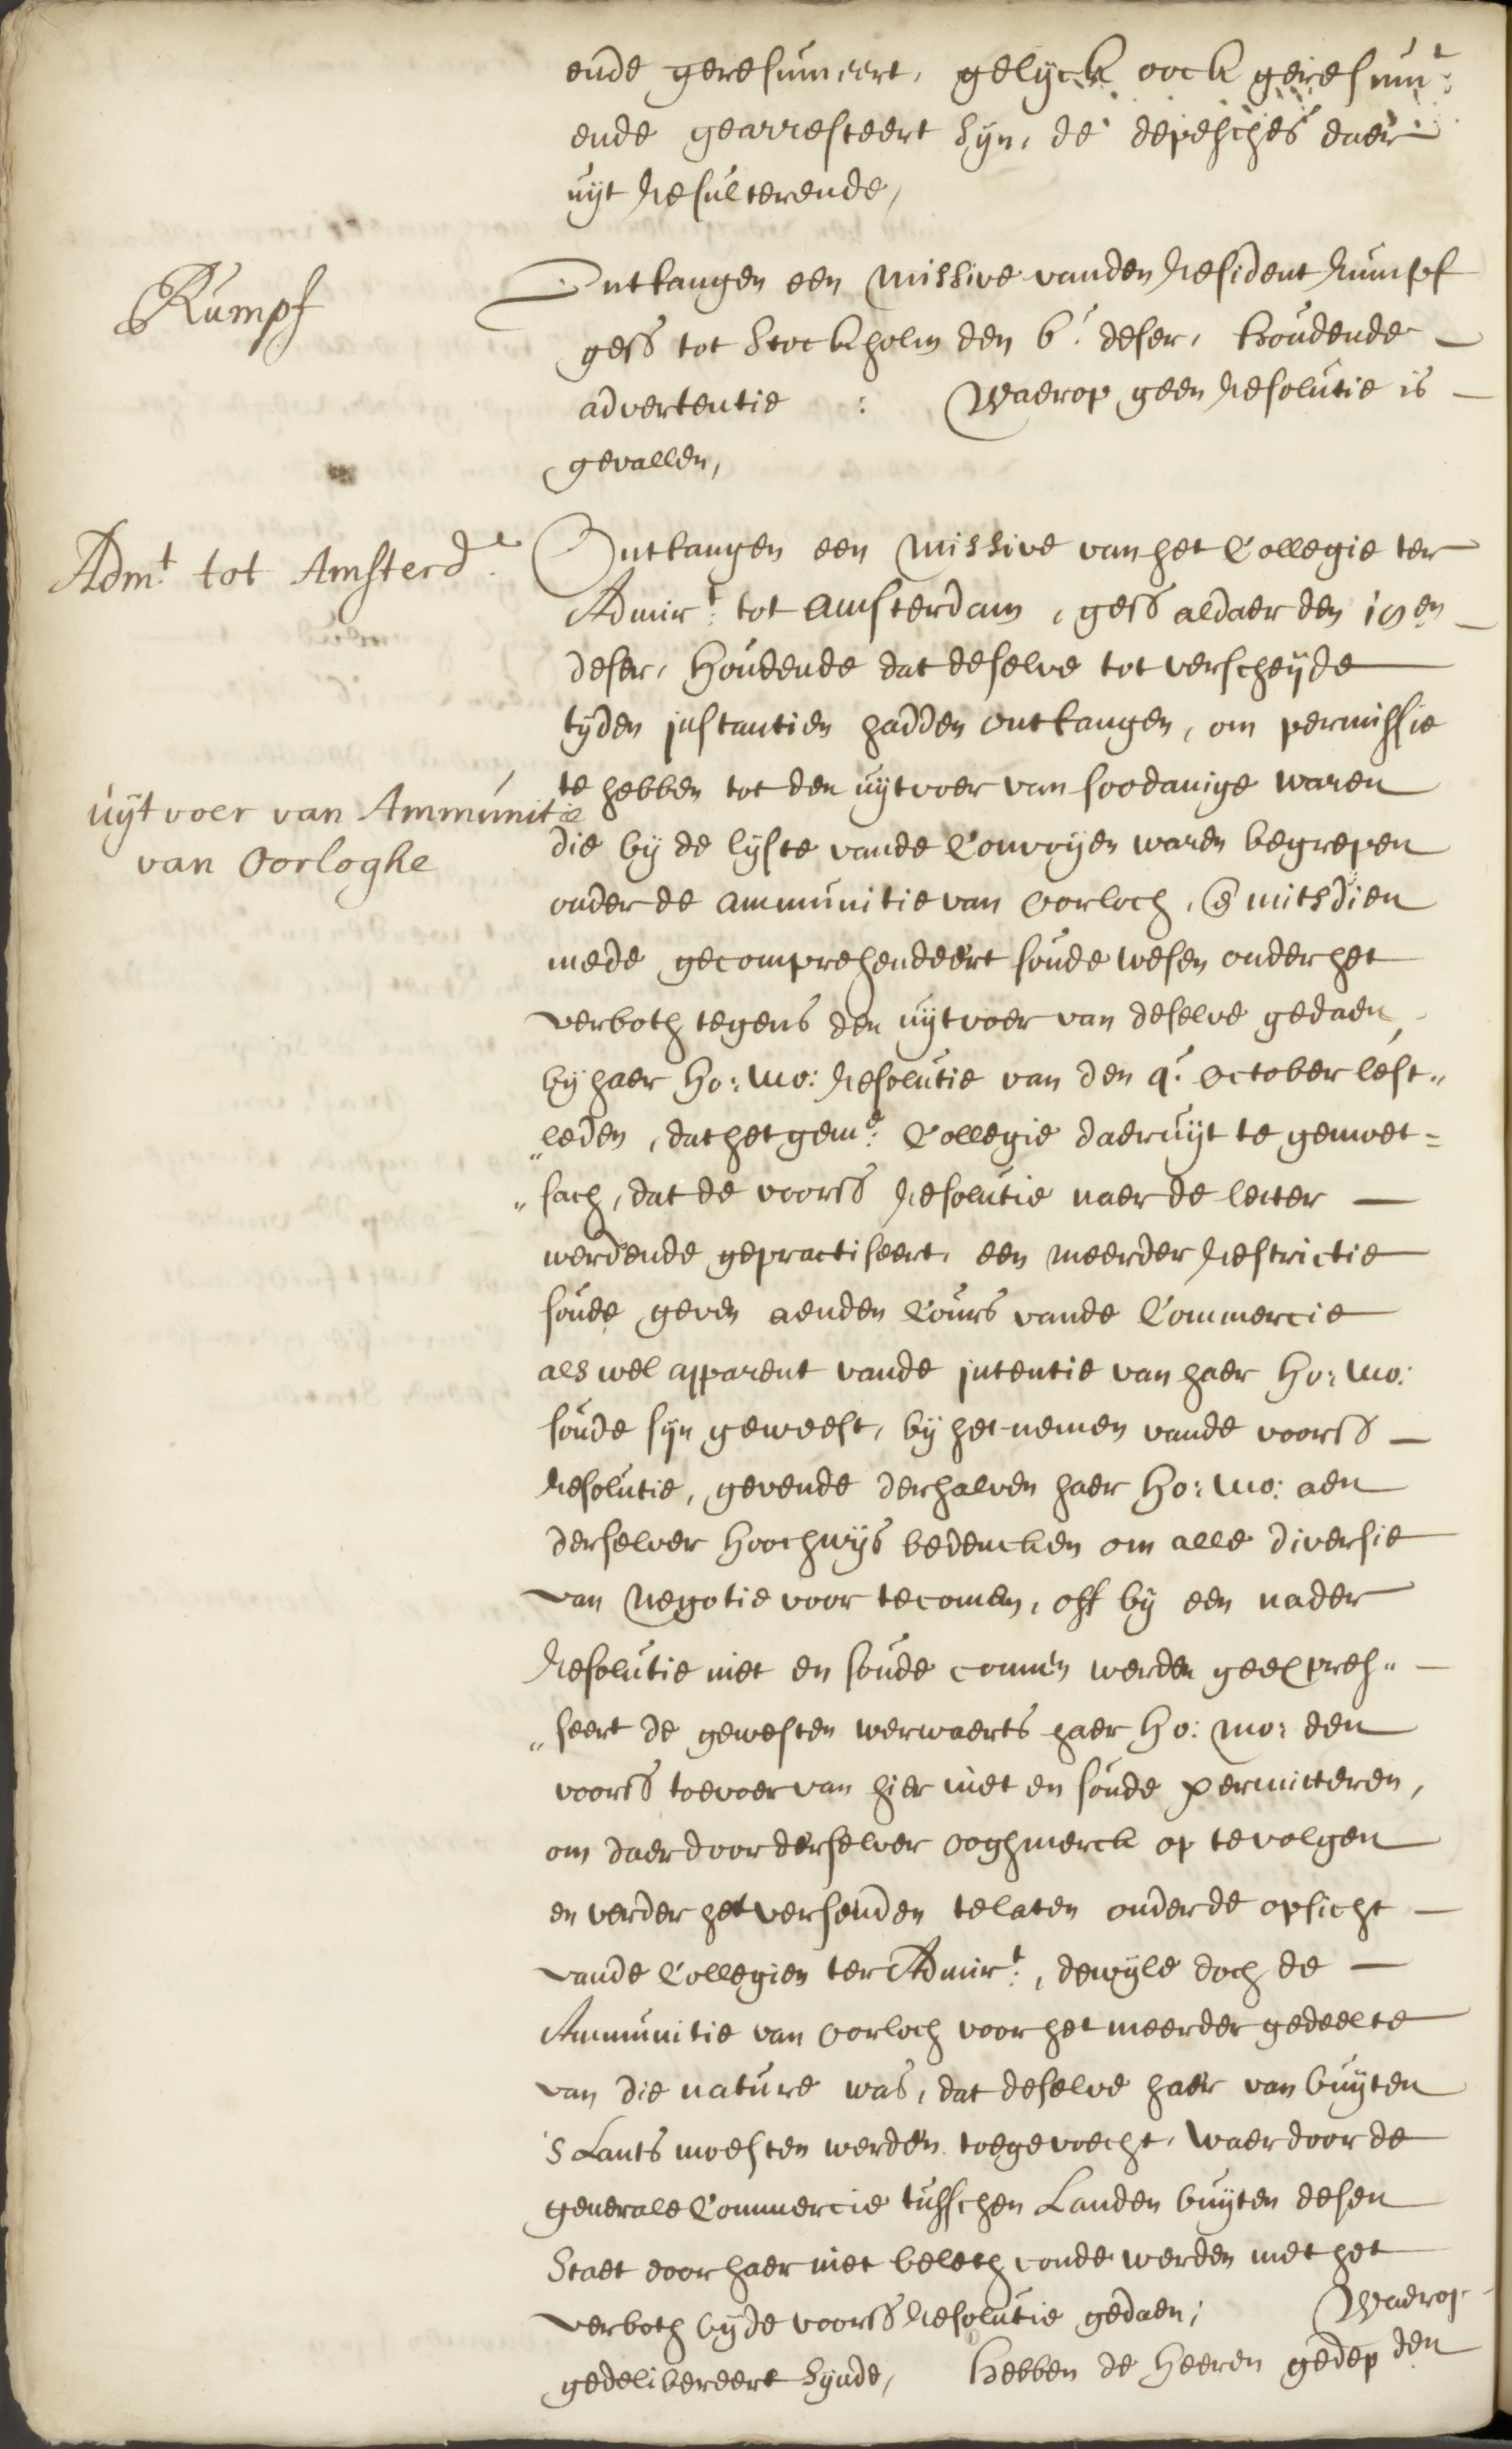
ende geresumeert, gelijck oock geresumt:
ende gearresteert sijn, de depesches daer
uijt resulterende,
Rumpf
Ontfangen een missive vanden resident rumpf
gesr tot Stockholm den Ve. deser, houdende
advertentie: Waerop geen resolutie is
gevallen.
Admt. tot Amsterd.
uijtvoer van Ammunitie
van Oorloghe
Ontfangen een missive van het Collegie ter
Admirt: tot Amsterdam, gesr aldaer den 18en
deser, houdende dat deselve tot verscheijde
tijden instantien hadden ontfangen, om permissie
te hebben tot den uijtvoer van soodanige waren
die bij de lijste vande convoijen waren begrepen
onder de ammunitie van Oorloch, en mitsdien
mede gecomprehendeert soude wesen onder het
verboth tegens den uijtvoer van deselve gedaen,
bij haer ho:mo: resolutie van den 4e october lest„
„leden, dat het geme: Collegie daeruijt te gemoet„
„sach, dat de voors resolutie naer de letter
werdende gepractiseert, een meerder restrictie
soude geven aenden Cours vande Commercie
als wel apparent vande intentie van haer Ho:Mo:
soude sijn geweest, bij het nemen vande voors
resolutie, gevende derhalven haer Ho:Mo: aen
derselver hoochuijs bedencken om alle diversie
van negotie voor te comen, off bij een nader
resolutie niet en soude connen werden geexpres„
„seert de gewesten werwaerts haer Ho:mo: den
voors toevoer van hier niet en soude permitteren,
om daer door derselver ooghmerck op te volgen
en verder het versenden te laten onder de opsicht
vande Collegien ter Admirt:,dewijle doch de
Ammunitie van Oorloch voor het meerder gedeelte
van die nature was, dat deselve haer van buijten
‛s Lants moesten werden toegevoecht, waerdoor de
generale Commercie tusschen Landen buijten desen
Stadt door haer niet beleth conde werden met het
verboth bijde voors resolutie gedaen: Waerop
gedelibereert sijnde, hebben de heeren gedepden.
